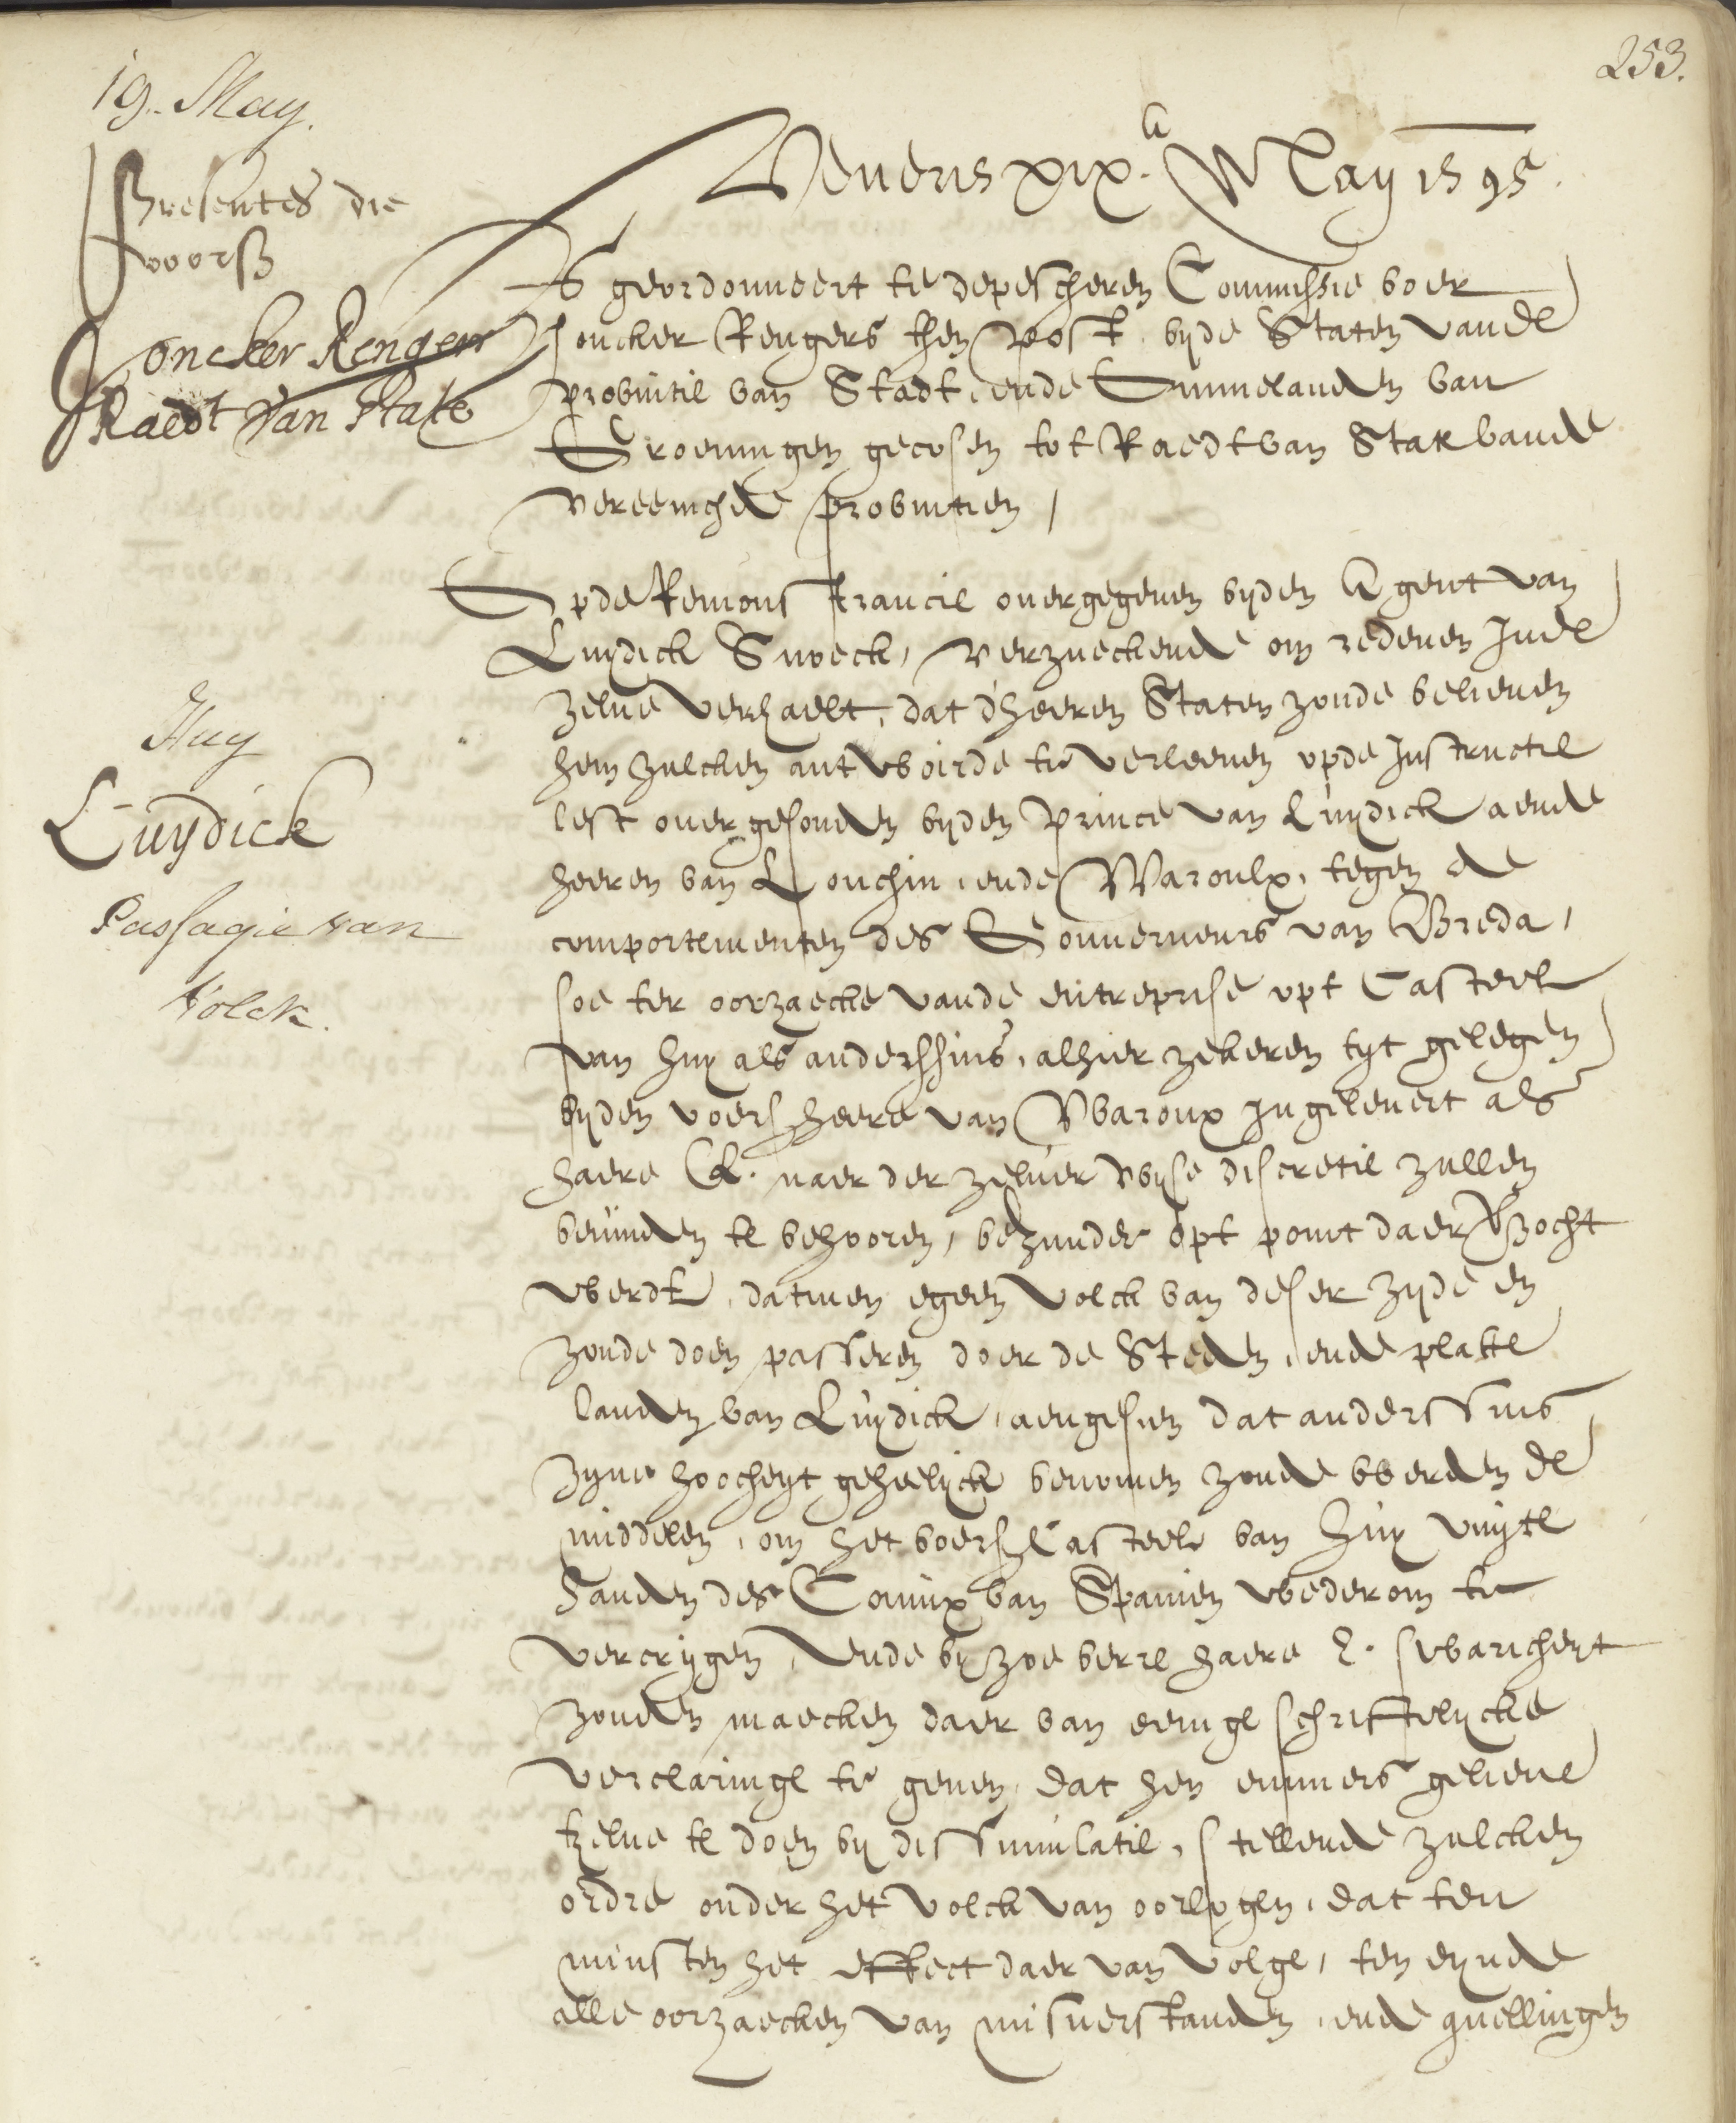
253.
19. May.
Veneris XIXen May 1595.
Presentes die
voors
Joncker Rengers
Raedt van State
Is geordonneert te depescheren Commissie voer
Joncker Rengers then Post by de Staten vande
provintie van Stadt, ende Ommelanden van
Groeningen gecosen tot Raedt van State vande
vereenichde provintien.
Huy
Luydick
Passagie van
Volck.
Op de Remonstrancie overgegeuen byden Agent van
Luydick Snoeck, verzueckende om redenen Inde
zelue verhaelt, dat d‛heeren Staten zoude belieuen
hem zulcken antwoirde te verleenen opde Instructie
lest overgesonden byden prince van Luydick aende
heeren van Lonchin ende Waroulx, tegen de
comportementen des Gouuerneurs van Breda,
soe ter oorzaecke vande entreprise opt Casteel
van huy als anderssins, alhier zekeren tyt gelegen
byden voers heere van Waroux ingeleuert als
haere E. naer der zeluer wyse discretie zullen
beuinden te behooren, bezunder opt point daer vzocht
werdt, datmen egeen volck van deser zyde en
zoude doen passeren doer de Steden, ende platte
landen van Luydick, aengesien dat anderssins
zyne hoocheyt geheelijck benomen zoude werden de
middelen, om het voers Casteel van Huy vuijte
handen des Coninx van Spanien wederom te
vercrijgen. Ende byzoe verre haere E. swaricheyt
zouden maecken daer van eenige schriftelycke
verclaringe te geuen, dat hen emmers gelieue
tzelue te doen by dissimulatie, stellende zulcken
ordre onder het volck van oorlogen, dat ten
minsten het effect daer van volge, ten eynde
alle oorzaecken van misuerstanden, ende quellingen
